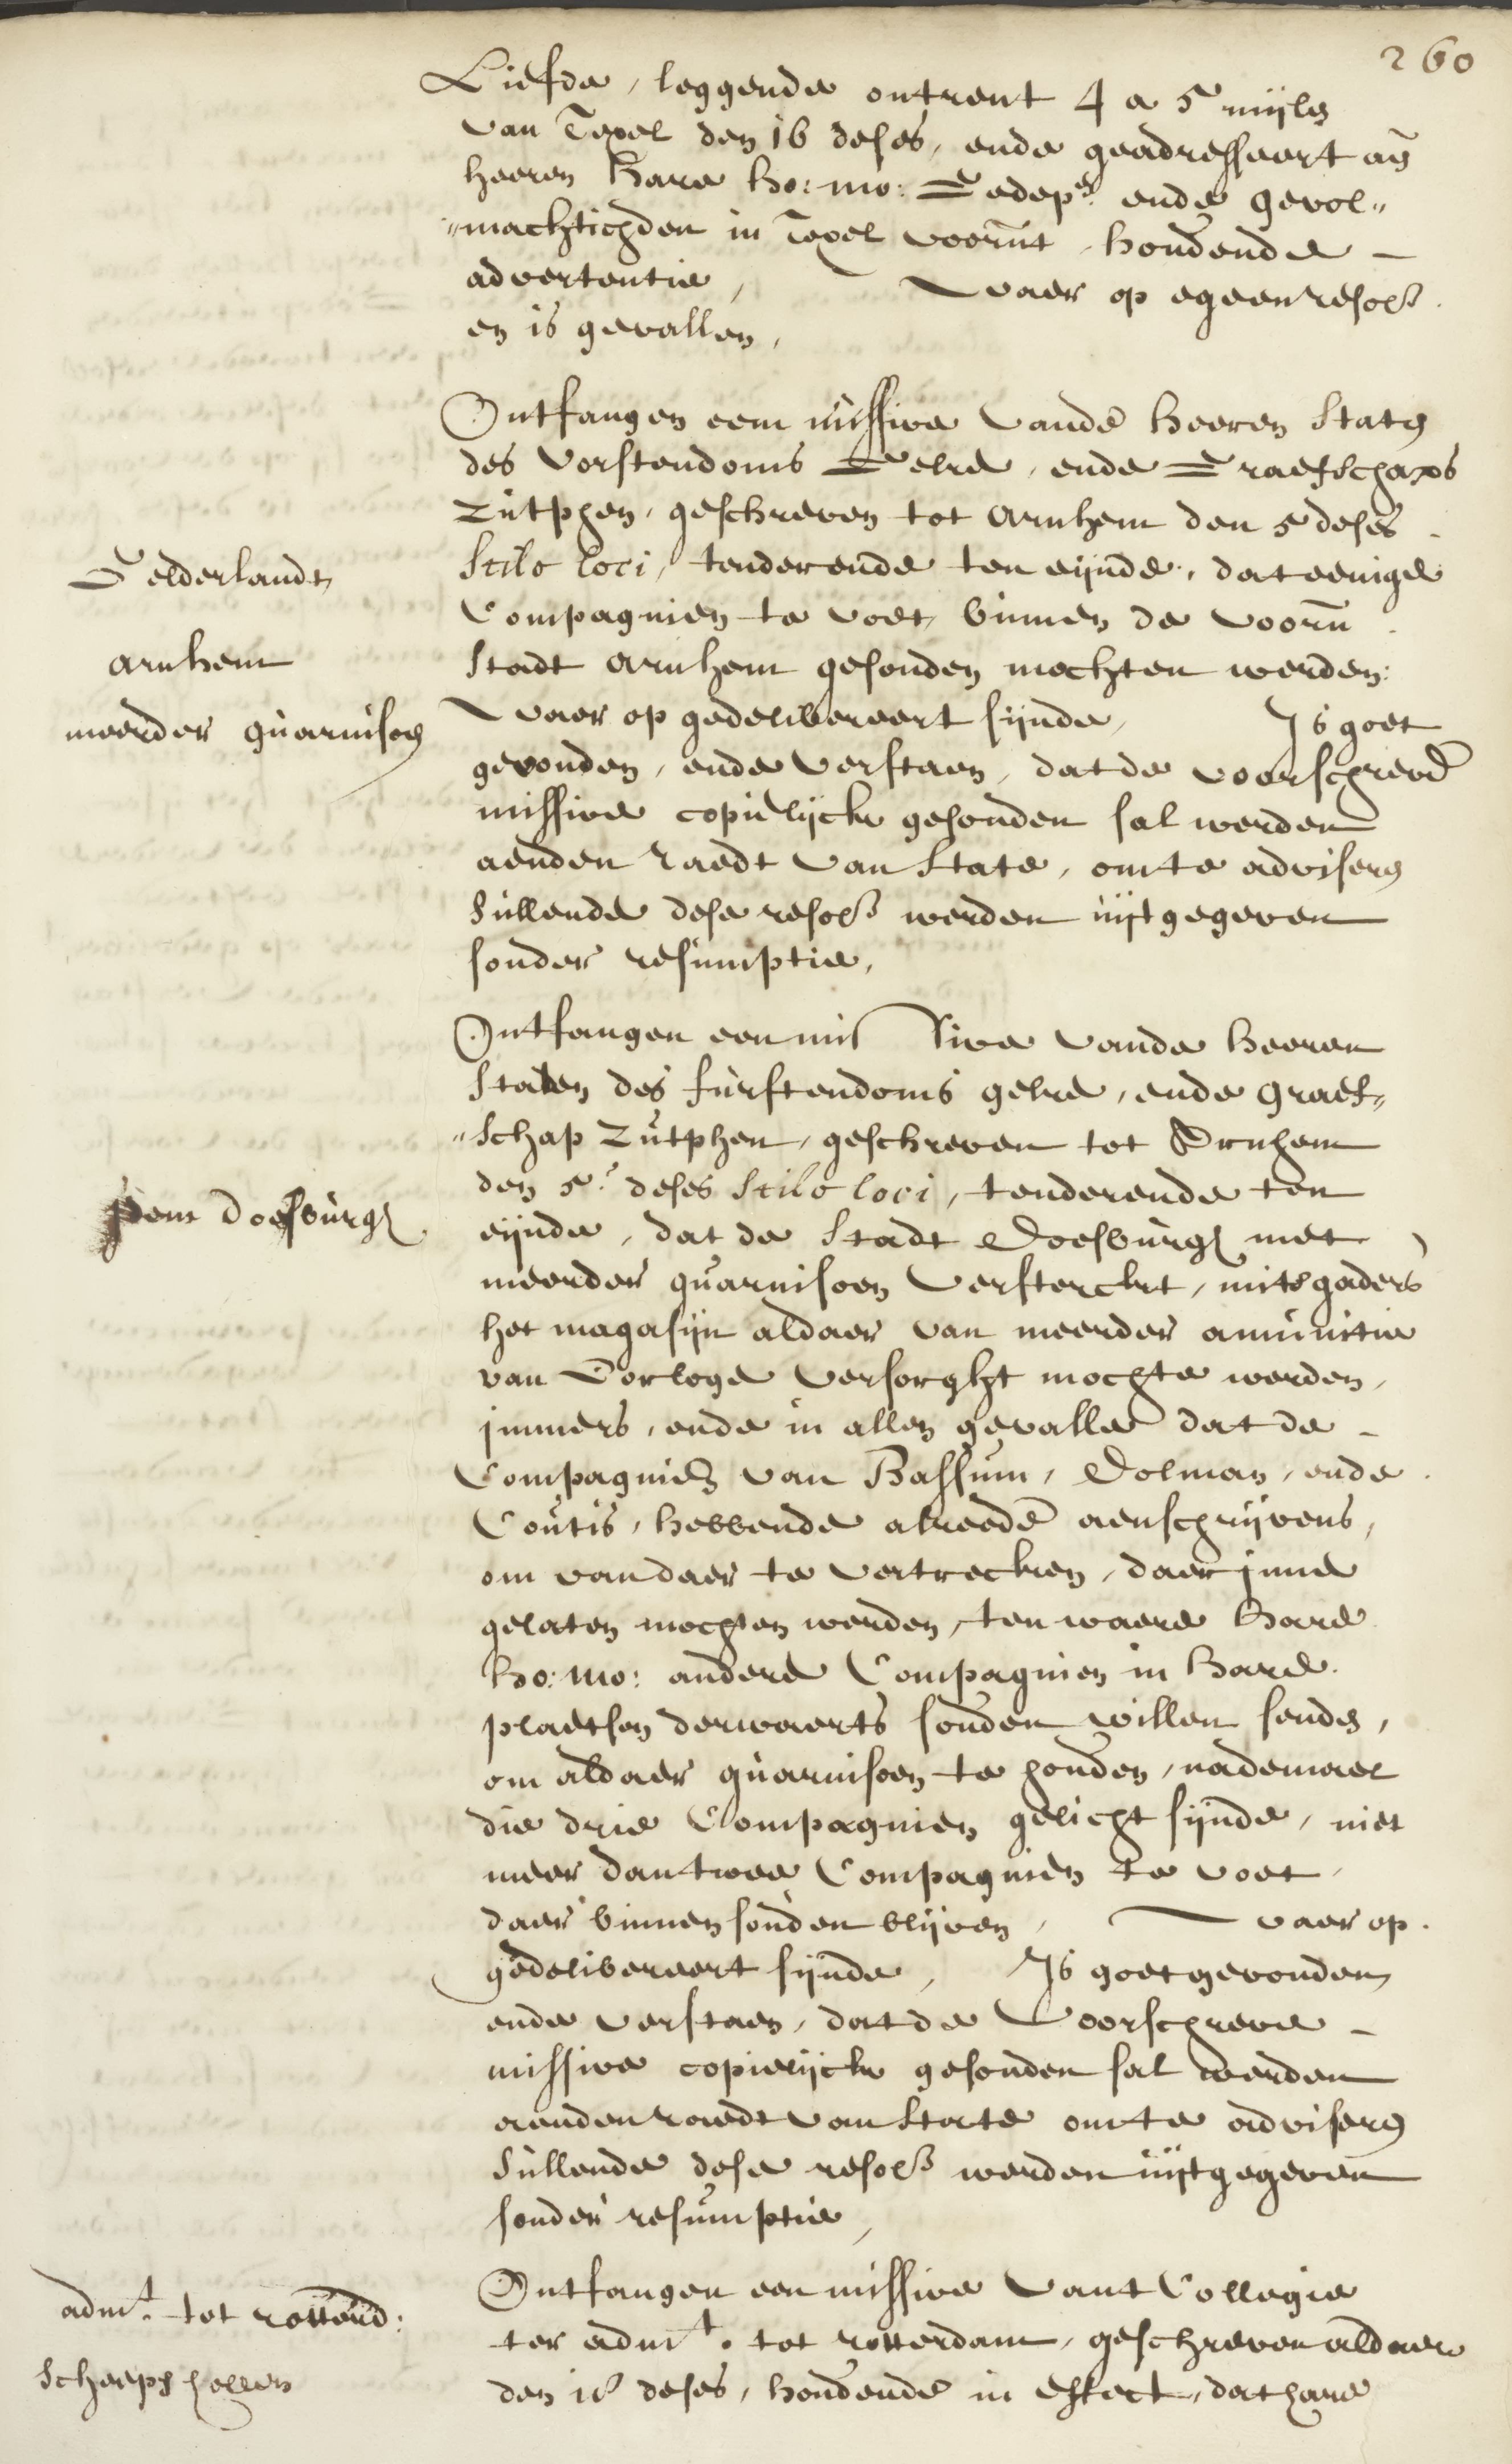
260
Liefde, leggende ontrent 4 a 5 mijlen
van Texel den 16 deses, ende geadresseert aen
heeren hare Ho: Mo: Gedepen ende gevol„
machtichden in Texel voornt, houdende
advertentie. Waer op egeen resol
en is gevallen.
Gelderlandt
Arnhem
meerder guarnisoen
Ontfangen een missive vande heeren Staten
des vorstendoms Gelre, ende Graefschaps
Zutphen, geschreven tot Arnhem den 5 deses
stilo loci, tenderende ten eijnde, dat eenige
Compagnien te voet binnen de voorn.
stadt Arnhem gesonden mochten werden:
Waer op gedelibereert sijnde, Is goet
gevonden, ende verstaen, dat de voorschreve
missive copielijck gesonden sal worden
aenden raedt van State, om te adviseren
sullende dese resol werden uijtgegeven
sonder resumptie.
Pont Doesburgh
Ontfangen een missive vande heeren
Staten des furstendoms Gelre, ende graef„
schap Zutphen, geschreven tot Arnhem
den 5e deses stilo loci, tenderende ten
eijnde, dat de Stadt Doesburgh met
meerder quarnisoen versterckt, mitsgaders
het magasijn aldaer van meerder amunitie
van Oorloge versorght mochte werden,
immers, ende in allen gevalle dat de
Compagnien van Bassum, Dolman, ende
Coutis, hebbende alreede aenschrijvens
om vandaer te vertrecken, daer inne
gelaten mochten werden, ten waere hare
Ho: Mo: andere Compagnien in hare
plaetsen derwaerts souden willen senden,
om aldaer quarnisoen te houden, nademael
die drie Compagnien gelicht sijnde, niet
meer dan twee Compagnien te voet
daer binnen souden blijven. Waer op
gedelibereert sijnde, Is goetgevonden
ende verstaen, dat de voorschreve
missive copielijck gesonden sal werden
aenden raedt van State omte adviseren
Sullende dese resol werden uijtgegeven
sonder resumptie.
Admt tot Rotterd:
scheepshellen
Ontfangen een missive vant Collegie
ter Admt tot Rotterdam, geschreven aldaer
den 18 deses, houdende in effect, dat hare
